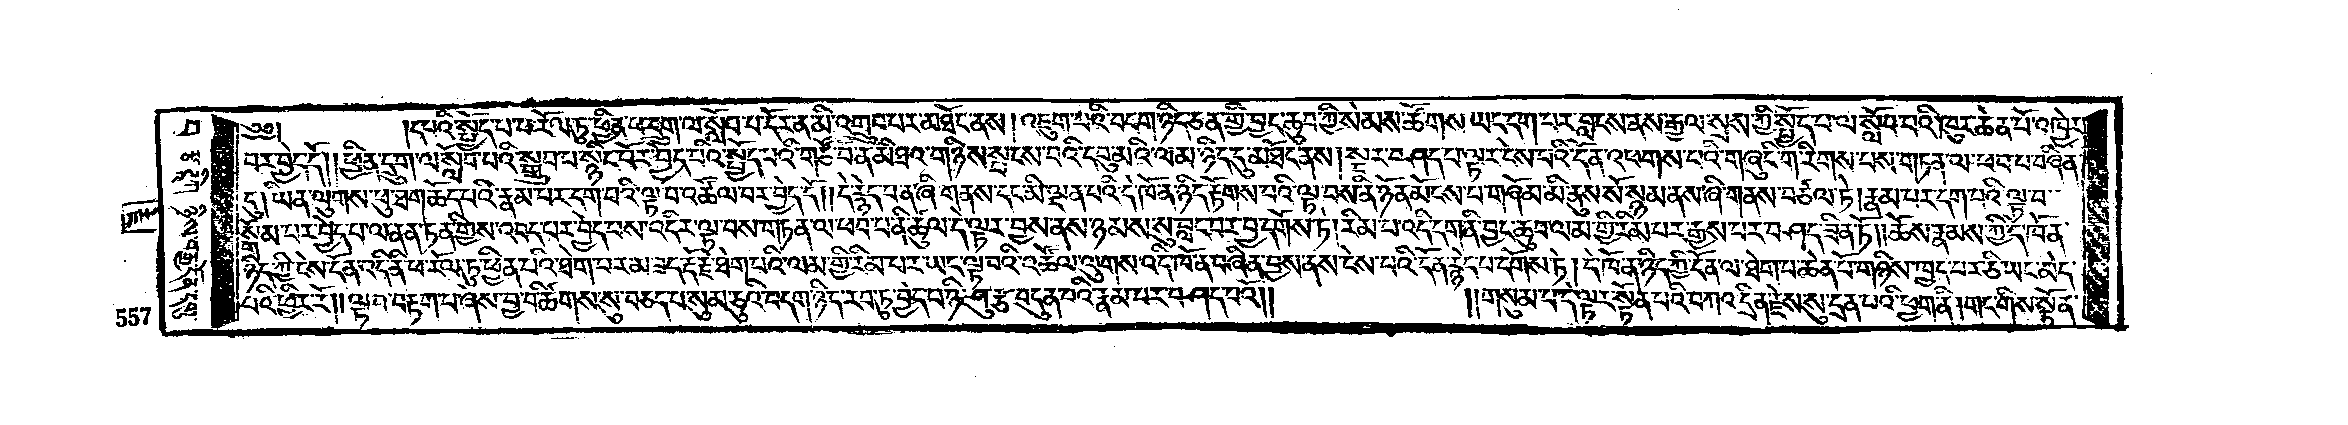༄༅། །དཔའི་སྤྱོད་པ་ཕ་རོལ་ཏུ་ཕྱིན་པ་དྲུག་ལ་སློབ་པ་དོན་ན་མི་འགྲུབ་པར་མཐོང་ནས། འཇུག་པའི་བདག་ཉིད་ཅན་གྱི་བྱང་ཆུབ་ཀྱི་སེམས་ཆོགས་ཡང་དག་པར་བླངས་ནས་རྒྱལ་སྲས་ཀྱི་སྤྱོད་པ་ལ་སློབ་པའི་ཁུར་ཆེན་པོ་འཁྱེར་
བར་བྱེད་དེ། །ཕྱིན་དྲུག་ལ་སློབ་པའི་སྒྲུབ་པ་སྙིང་པོ་བྱེད་པའི་སྤྱོད་པའི་གཙོ་བོ་ནི་མཐའ་གཉིས་སྤངས་པའི་དབུ་མའི་ལམ་ཉིད་དུ་མཐོང་ནས། སྔར་བཤད་པ་ལྟར་ངེས་པའི་དོན་འཕགས་པའི་གཞུང་གི་རིགས་པས་གཏན་ལ་ཕབ་པ་བཞིན་
དུ། ཡིན་ལུགས་ཕུ་ཐག་ཆོད་པའི་རྣམ་པར་དག་པའི་ལྟ་བ་འཚོལ་བར་བྱེད་དོ། །དེ་རྙེད་པ་ན་ཞིག་གནས་དང་མི་ལྡན་པའི་དེ་ཁོ་ན་ཉིད་རྟོགས་པའི་ལྟ་བས་ནི་ཉོན་མོངས་པ་གཞོམ་མི་ནུས་སེ་སྙམ་ནས་ཞི་གནས་བརྩལ་ཏེ། རྣམ་པར་དག་པའི་ལྟ་བ་
སྒོམ་པར་བྱེད་པ་ལན་ན་ཏན་གྱིས་འདབ་པར་བྱེད་པས་འདིར་ལྟ་བས་གཏན་ལ་ཕབ་པ་ནི་ཚུལ་དེ་ལྟར་བྱས་ན་སྙམས་སུ་བླངས་པར་བྱ་དགོས་ཏེ། རིམ་པ་འདི་དག་ནི་བྱང་ཆུབ་ལམ་གྱི་རིམ་པར་རྒྱས་པར་བཤད་ཟིན་ཏོ། །ཆོས་རྣམས་ཀྱི་དེ་ཁོ་ན་
ཉིད་ཀྱི་ངེས་དོན་འདི་ནི་ཕ་རོལ་ཏུ་ཕྱིན་པའི་ཐེག་པར་མ་ཟད་རྡོ་རྗེ་ཐེག་པའི་ལམ་གྱི་རིམ་པར་ཡང་ལྟ་བའི་འཚོལ་ལུགས་འདི་ཁོ་ན་བཞིན་བྱས་ནས་ངེས་པའི་དོན་རྙེད་པ་དོགས་ཏེ། དེ་ཁོ་ན་ཉིད་ཀྱི་དོན་ལ་ཐེག་པ་ཆེན་པོ་གཉིས་ཁྱད་པར་ཅི་ཡང་མེད་
པའི་ཕྱིར་རོ། །ལྟ་བ་བརྟག་པ་ཞེས་བྱ་བ་ཚིགས་སུ་བྖད་པ་སུམ་ཅུའི་བདག་ཉིད་རབ་ཏུ་བྱེད་པ་ཉི་ཤུ་རྩ་བདུན་པའི་རྣམ་པར་བཤད་པའོ།། །།གསུམ་པ་དེ་ལྟར་སྟོན་པའི་བཀའ་དྲིན་རྗེས་སུ་དྲན་པའི་ཕག་ནི། གང་གིས་སྟོན་